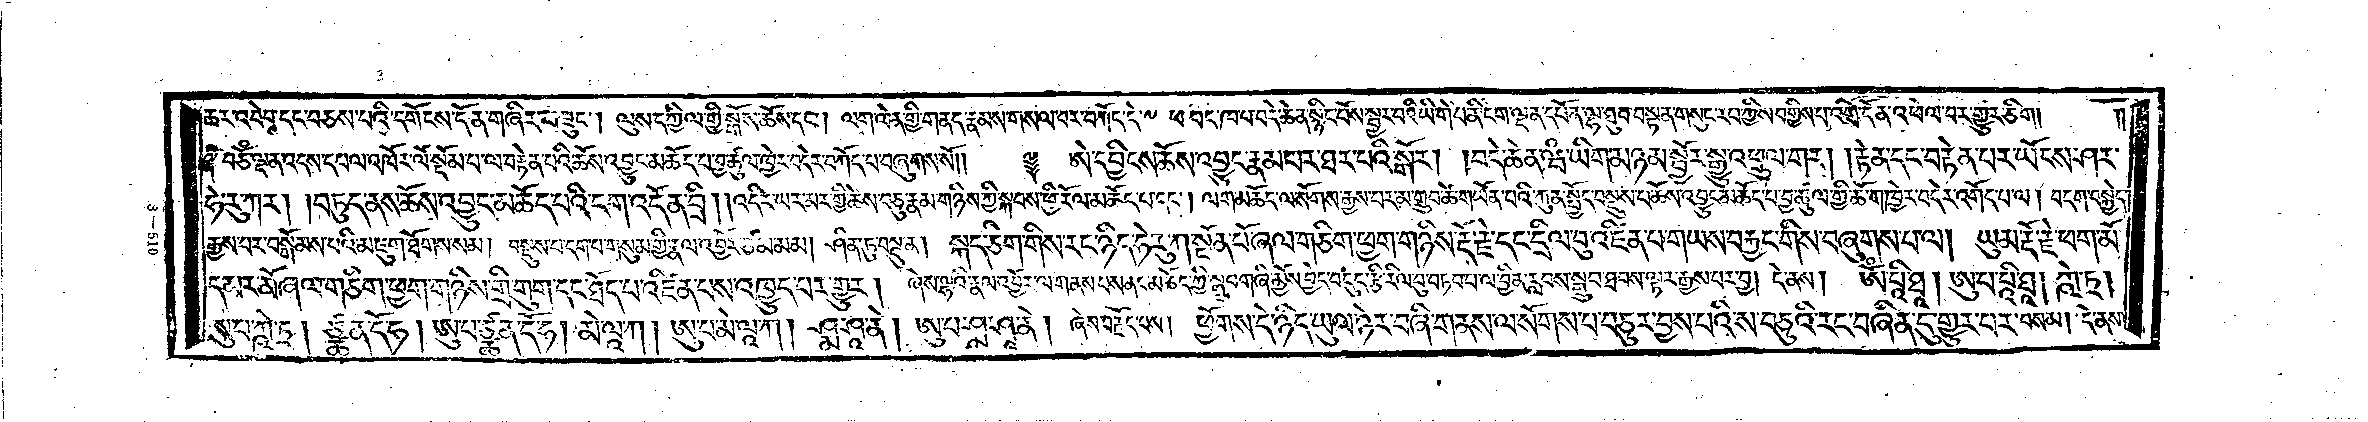ཆར་འབེབས་དང་བཅས་པའི་དགོངས་དོན་གཞིར་བཟུང་། ལུས་དཀྱིལ་གྱི་སྒོས་ཆོས་དང་། ལག་ལེན་གྱི་གནད་རྣམས་གསལ་བར་བཀོད་དེ ༧་ཕ་བོད་ཁ་པ་བདེ་ཆེན་སྙིང་པོས་སྦྱར་བའི་ཡི་གེ་པ་ནི་ངག་ལྡན་དཔོན་ལྷ་ཐུབ་བསྟན་གསུང་རབ་ཀྱིས་བགྱིས་པ་འགྲོ་དོན་འཕེལ་བར་གྱུར་ཅིག།། །།
༈ བཅོ྾་ལྡན་འདས་དཔལ་འཁོར་ལོ་སྡོམ་པ་ལ་བརྟེན་པའི་ཆོས་འབྱུང་མཆོད་པ་བྱ་ཚུལ་ཁྱེར་བདེར་བཀོད་པ་བཞུགས་སོ།། ༈ ཨེ་དབྱིངས་ཆོས་འབྱུང་རྣམ་པར་ཐར་པའི་སྒོར། །བདེ་ཆེན་ཝ྾་ཡིག་མཉམ་སྦྱོར་སྒྱུ་འཕྲུལ་གར། །རྟེན་དང་བརྟེན་པར་ཡོངས་ཤར་
ཧེ་རུ་ཀར། །བཏུད་ནས་ཆོས་འབྱུང་མཆོད་པའི་ངག་འདོན་གྲི། །འདིར་ཡར་མར་གྱི་ཚེས་བཅུ་རྣམ་གཉིས་ཀྱི་སྐབས་ཕྱི་རོལ་མཆོད་པ་དང་། ལག་མཆོད་པ་སོགས་རྒྱས་པར་མ་གྲུབ་ཚེ་གཡོན་པའི་ཀུན་སྤྱོད་བསྡུས་པ་ཆོས་འབྱུང་མཆོད་པ་བྱ་ཚུལ་གྱི་ཆོ་ག་ཁྱེར་བདེར་འགོད་པ་ལ། བདག་བསྐྱེད་
རྒྱས་པར་བསྒོམས་པའི་མཇུག་ཐོགས་སམ། བསྡུས་པ་དག་པ་གསུམ་གྱི་རྣལ་འབྱོར་ཙམ་མམ། ཤིན་ཏུ་བསྡུ་མ། སྐད་ཅིག་གིས་རང་ཉིད་དེ་རུ་ཀ་སྔོན་པོ་ཞལ་གཅིག་ཕྱག་གཉིས་རྡོ་རྗེ་དང་དྲིལ་བུ་འཛིན་པ་གཡས་བརྐྱང་གིས་བཞུགས་པ་ལ། ཡུམ་རྡོ་རྗེ་ཕག་མོ་
དམར་མོ་ཞལ་གཅིག་ཕྱག་གཉིས་གྲི་གུག་དང་ཐོད་པ་འཛིན་པས་འཁྱུད་པར་གྱུར། ཞེས་ལྷའི་རྣལ་འབྱོར་ལ་གནས་པས་ནང་མཆོད་ཀྱི་སྒྲུབ་གཞི་མྱོས་བྱེད་བདུད་རྩི་རིལ་བུ་བཏབ་པ་ལ་བྱིན་རླབས་སྒྲུབ་ཐབས་ལྟར་རྒྱས་པར་བྱ། དེ་ནས།  ཨོ྾་པཱི་ཐཱ། ཨུ་པ་པཱི་ཐཱ། ཀསཿཨེ་ཏྲ།
སུ་པ་ཀྵེ་ཏྲ། ཙྪན་དོ་ཧ། ཨུ་པ་ཙྪན་དོ་ཧ། མེ་ལཱ་ཀ། ཨུ་པ་མེ་ལཱ་ཀ། ཤམ་ཤཱ་ནེ། ཨུ་པ་ཤ྾་ཤས་ནེ། ཞེས་བརྗོད་པས།  ཕྱོགས་དེ་ཉིད་ཡུལ་ཉེར་བཞི་གནས་ལ་སོགས་པ་བཅུར་བྱས་པའི་ས་བཅུའི་རང་བཞིན་དུ་གྱུར་པར་བསམ། དེ་ནས་